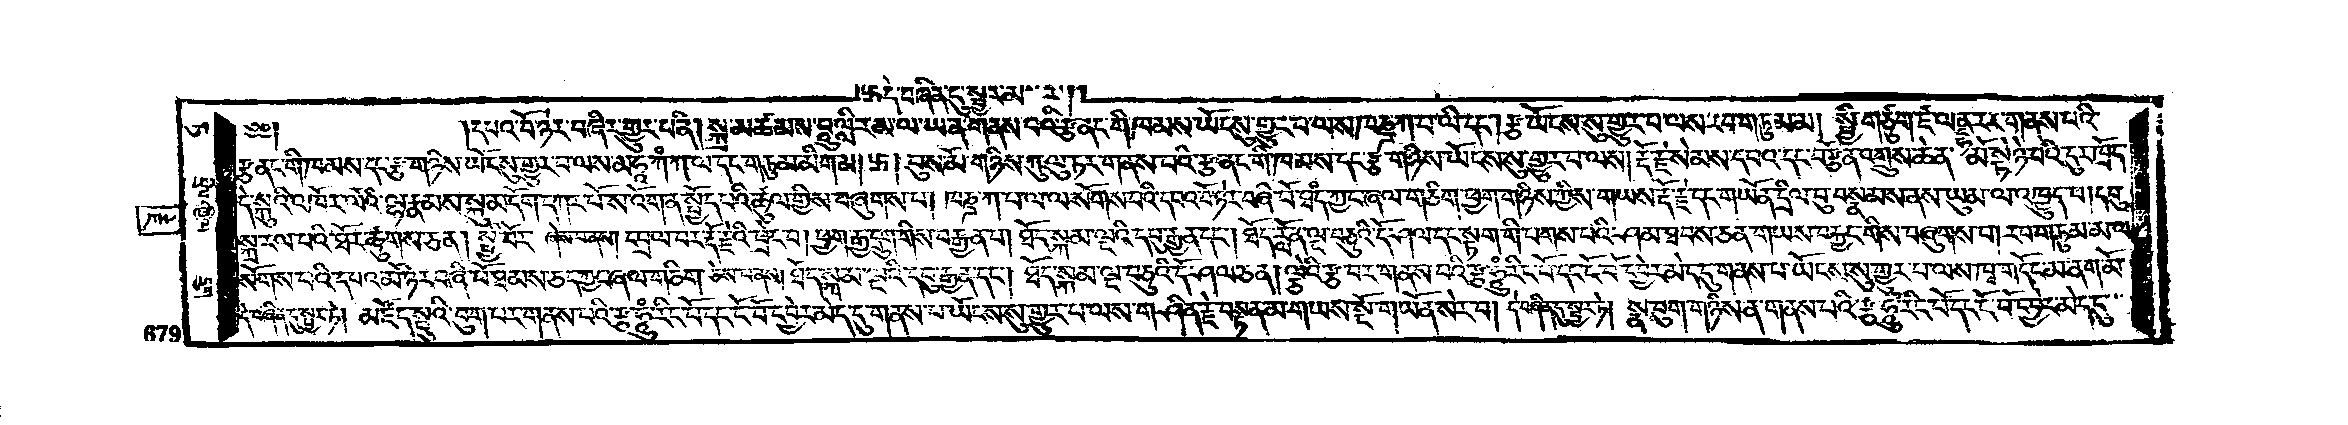༄༅། །དཔའ་བོ་ཉེར་བཞིར་གྱུར་པ་ནི། སྐྲ་མཚམས་པཱུལླི་ར་མ་ལ་ཡ་ན་གནས་པའི་རྩ་ནང་གི་ཁམས་ཡོངས་སུ་གྱུར་པ་ལས་ཁཎྜ་ཀ་པ་ལི་དང་། རྩ་ཡོངས་སུ་གྱུར་པ་ལས་རབ་གཏུམ་མ། སྤྱི་གཙུག་ཛ་ལནྡྷ་རར་གནས་པའི་
རྩ་ནང་གི་ཁམས་དང་རྩ་གཉིས་ཡོངས་སུ་གྱུར་པ་ལས་མཧཱ་ཀཾ་ཀ་ལ་དང་གཏུམ་མིག་མ། དེ་བཞིན་དུ་སྦྱར་མ། ?་།པུས་མོ་གཉིས་ཀུ་ལུ་ཏར་གནས་པའི་རྩ་ནང་གི་ཁམས་དང་རྩ་གཉིས་ཡོངས་སུ་གྱུར་པ་ལས། རྡོ་རྗེ་སེམས་དཔའ་དང་བརྩོན་འགྲུས་ཆེན་མོ་སྟེ་ཉེ་བའི་དུར་ཁྲོད་
དེ་སྐུའི་འཁོར་ལོའི་ལྷ་རྣམས་སྐུ་མདོག་དཀར་པོ་ས་འོག་ན་སྤྱོད་པའི་ཚུལ་གྱིས་བཞུགས་པ། ཁཎྜ་ཀ་པ་ལ་ལ་སོགས་པའི་དཔའ་བོ་ཉེར་བཞི་པོ་ཐམས་ཅད་ཀྱང་ཞལ་གཅིག་ཕྱག་གཉིས་ཀྱིས་གཡས་རྡོ་རྗེ་དང་གཡོན་དྲིལ་བུ་བསྣམས་ནས་ཡུམ་ལ་འཁྱུད་པ། དབུ་
སྐྲ་རལ་པའི་ཐོར་ཚུགས་ཅན། སྤྱི་བོར་ཞེས་པ་ནས།  དཔྲལ་བར་རྡོ་རྗེའི་ཕྲེང་བ། ཕྱག་རྒྱ་དྲུག་གིས་བརྒྱན་པ། ཐོད་སྐམ་ལྔའི་དབུ་རྒྱན་དང་། ཐོད་རློན་ལྔ་བཅུའི་དོ་ཤལ་དང་སྟག་གི་པགས་པའི་ཤམ་ཐབས་ཅན་གཡས་བརྐྱང་གིས་བཞུགས་པ། རབ་གཏུམ་མ་ལ་
སོགས་པའི་དཔའ་མོ་ཉེར་བཞི་པོ་ཐམས་ཅད་ཀྱང་ཞལ་གཅིག་ཅེས་པ་ནས།  ཐོད་སྐམ་ལྔའི་དབུ་རྒྱན་དང་། ཐོད་སྐམ་ལྔ་བཅུའི་དོ་ཤལ་ཅན། ལྕེའི་རྩ་བར་གནས་པའི་རྩ་ཧཱུཾ་རིང་པོ་དང་ངོ་བོ་དབྱེར་མེད་དུ་གནས་པ་ཡོངས་སུ་གྱུར་པ་ལས་ཁྭ་གདོང་མ་ནག་མོ་
དེ་བཞིན་དུ་སྦྱར་ཏེ།  མཛོད་སྤུའི་བུག་པར་གནས་པའི་རྩ་ཧཱུཾ་རིང་པོ་དང་ངོ་བོ་དབྱེར་མེད་དུ་གནས་པ་ཡོངས་སུ་གྱུར་པ་ལས་གཤིན་རྗེ་བསྟན་མ་གཡས་སྔོ་གཡོན་སེར་བ། དེ་བཞིན་དུ་སྦྱར་ཏེ།  སྣ་བུག་གཉིས་ན་གནས་པའི་རྩ་ཧཱུཾ་རིང་པོ་དང་ངོ་བོ་དབྱེར་མེད་དུ་